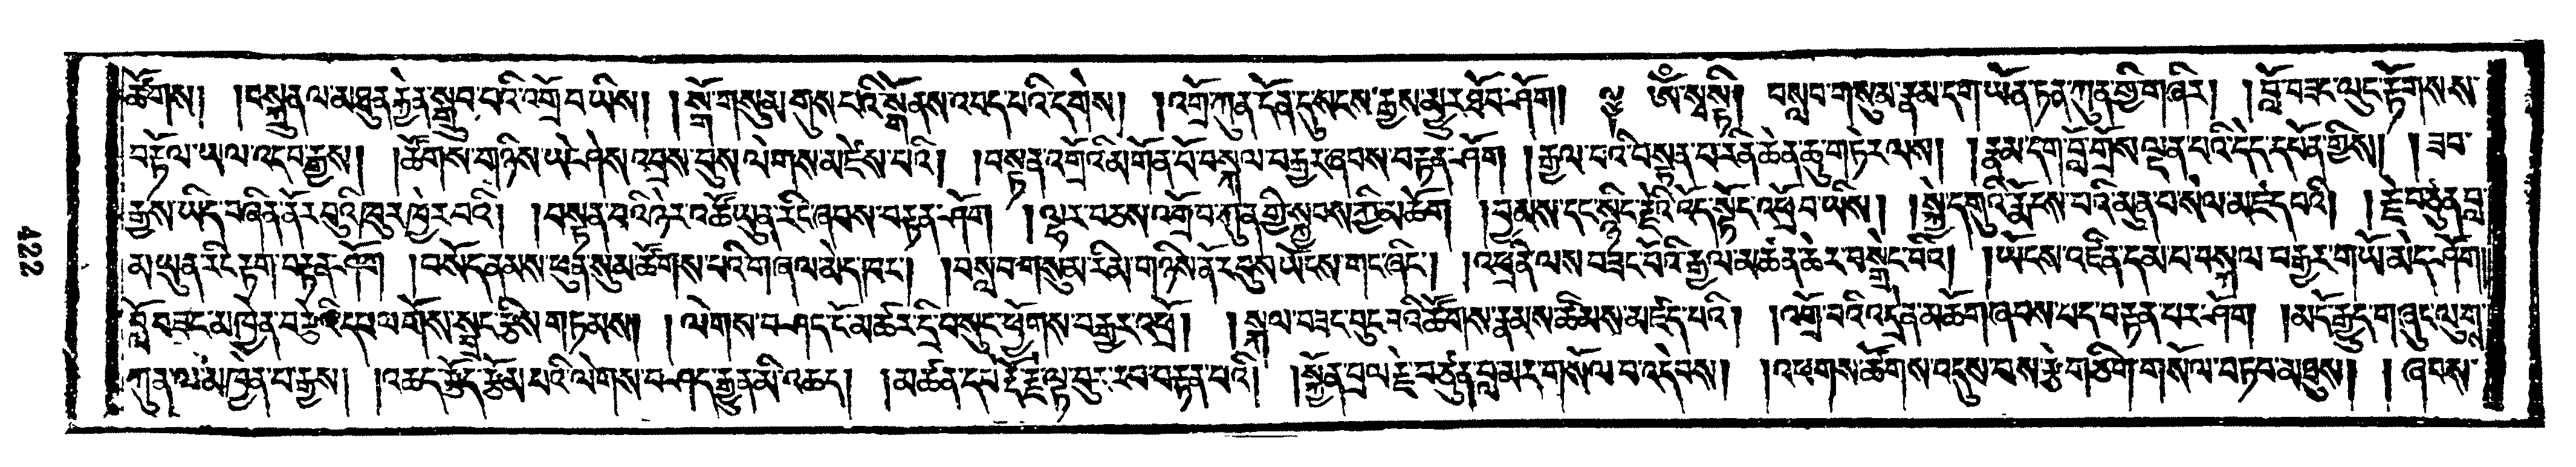ཚོགས། །བསྐྲུན་ལ་མཐུན་རྐྱེན་སྒྲུབ་པའི་འགྲོ་བ་ཡིས། །སྒོ་གསུམ་གུས་པའི་སྒོ་ནས་འབད་པའི་དགེས། །འགྲོ་ཀུན་དོན་དུ་སངས་རྒྱས་མྱུར་ཐོབ་ཤོག། ༈ ཨོཾ་སྭསྟི། བསླབ་གསུམ་རྣམ་དག་ཡོན་ཏན་ཀུན་གྱི་གཞིར། །བློ་བཟང་ལུང་རྟོགས་ས་
བརྟོལ་ཡལ་འདབ་རྒྱས། །ཚོགས་གཉིས་ཡེ་ཤེས་འབྲས་བུས་ལེགས་མཛེས་པའི། །བསྟན་འགྲོའི་མགོན་པོ་བསྐལ་བརྒྱར་ཞབས་བརྟན་ཤོག །རྒྱལ་བའི་བསྟན་པ་རིན་ཆེན་ཆུ་གཏེར་ལས། །རྣམ་དག་བློ་གྲོས་ལྡན་པའི་དེད་དཔོན་གྱིས། །ཟབ་
རྒྱས་ཡིད་བཞིན་ནོར་བུའི་ཁུར་ཁྱེར་བའི། །བསྟན་བའི་ཉེར་འཚོ་ཡུན་རིང་ཞབས་བརྟན་ཤོག །ལྷར་བཅས་འགྲོ་བ་ཀུན་གྱི་སྐྱབས་ཀྱི་མཆོག །བྱམས་དང་སྙིང་རྗེའི་འོད་སྟོང་འཕྲོ་བ་ཡིས། །སྐྱེ་དགུའི་རྨོངས་བའི་མུན་པ་སེལ་མཛད་པའི། །རྗེ་བཙུན་བླ་
མ་ཡུན་རིང་རྟག་བརྟན་ཤོག །བསོད་ནམས་ཕུན་སུམ་ཚོགས་པའི་གཞལ་མེད་ཁར། །བསླབ་གསུམ་རིམ་གཉིས་ནོར་བུས་ཡོངས་གང་ཞིང་། །འཕྲིན་ལས་བཟང་བོའི་རྒྱལ་མཚན་ཆེར་བསྒྲེང་བའི། །ཡོངས་འཛིན་དམ་པ་བསྐལ་བརྒྱར་གཡོ་མེད་ཤོག། །
བློ་བཟང་མཁྱེན་བརྩེའི་དཔལ་གོས་སྦྲང་རྩིས་གཏམས། །ལེགས་བཤད་ངོ་མཚར་དྲི་བསུང་ཕྱོགས་བརྒྱར་འཕྲོ། །སྐལ་བཟང་བུང་བའི་ཚོགས་རྣམས་ཚིམས་མཛད་པའི། །འགྲོ་བའི་འདྲེན་མཆོག་ཞབས་པད་བརྟན་པར་ཤོག །མདོ་རྒྱུད་གཞུང་ལུགས་
ཀུན་ལ་མཁྱེན་པ་རྒྱས། །འཆད་རྩོད་རྩོམ་པའི་ལེགས་བཤད་རྒྱུན་མི་འཆད། །མཚན་དཔེ་རྡོ་རྗེ་ལྟ་བུར་རབ་བརྟན་པའི། །སྐྱོན་བྲལ་རྗེ་བཙུན་བླ་མར་གསོལ་བ་འདེབས། །འཕགས་ཚོགས་འདུས་བས་རྩེ་གཅིག་གསོལ་བཏབ་མཐུས། །ཞབས་